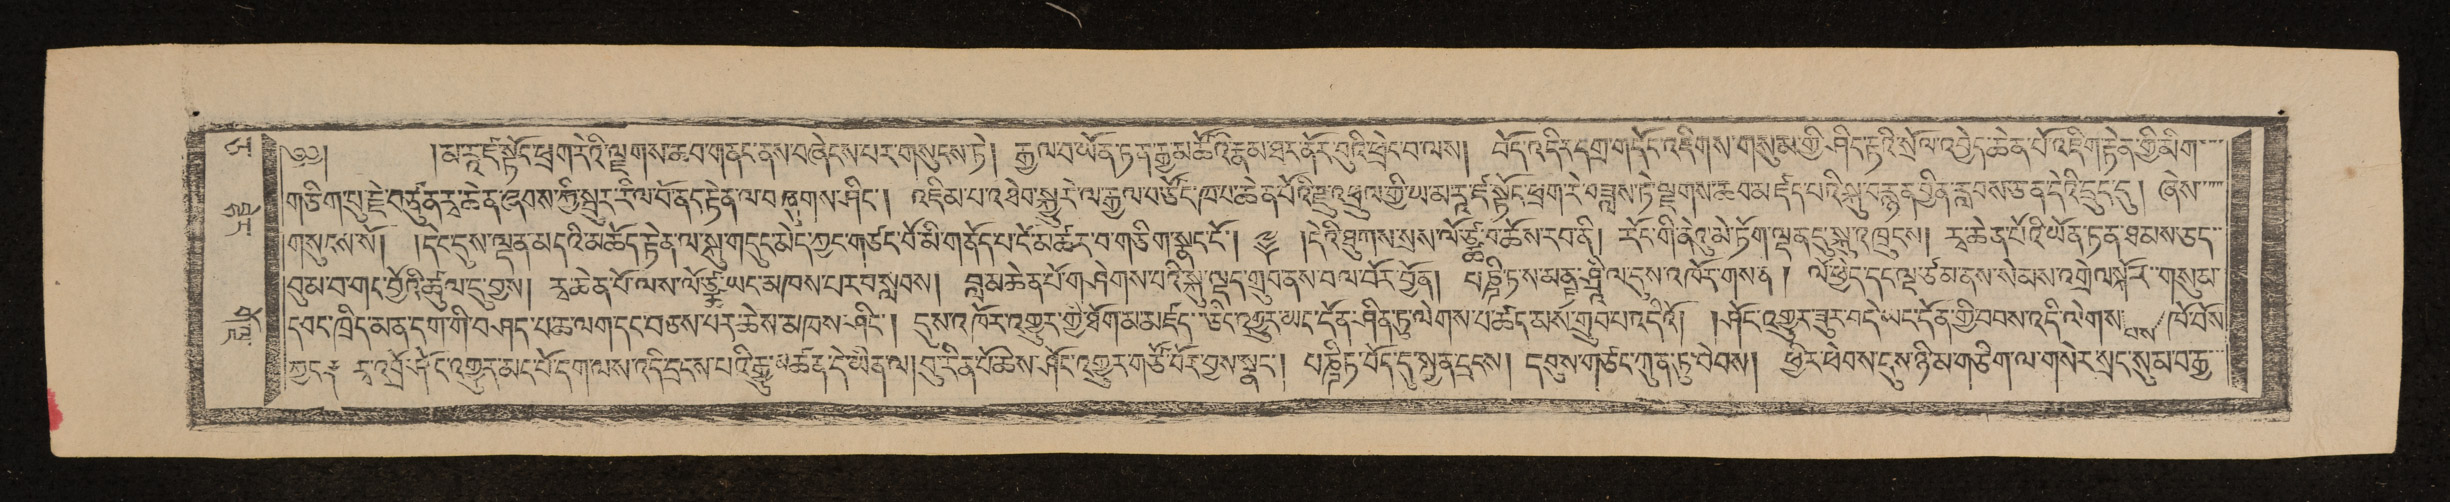༄༅། །མ་རཱ་ཛ་སྟོང་ཕྲག་རེའི་ལྗགས་ཆབ་གནང་ནས་བཞེངས་པར་གསུངས་ཏེ། རྒྱལ་བ་ཡོན་ཏན་རྒྱ་མཚོའི་རྣམ་ཐར་ནོར་བུའི་ཕྲེང་བ་ལས། བོད་འདིར་དགྲ་གདོང་འཇིགས་གསུམ་གྱི་ཤིང་རྟའི་སྲོལ་འབྱེད་ཆེན་པོ་འཇིག་རྟེན་གྱི་མིག་
གཅིག་པུ་རྗེ་བཙུན་རྭ་ཆེན་ཞབས་ཀྱི་སྦུར་རིལ་བོ་ནང་རྟེན་ལ་བཞུགས་ཤིང་། འཇིམ་པ་འཐེབ་སྐྱུ་རེ་ལ་རྒྱལ་བ་ཙོང་ཁ་པ་ཆེན་པོའི་རྫུ་འཕྲུལ་གྱི་ཡ་མ་རཱ་ཛ་སྟོང་ཕྲག་རེ་བཟླས་ཏེ་ལྗགས་ཆབ་མཛད་པའི་སྐུ་བརྙན་བྱིན་རླབས་ཅན་དེའི་དྲུང་དུ། ཞེས་
གསུངས་སོ། །དེང་དུས་ལྡན་མདའི་མཆོད་རྟེན་ལ་སྐུ་གདུང་མེད་ཀྱང་ག་ཙང་པོ་མི་གནོད་པ་ངོ་མཚར་བ་གཅིག་སྣང་ངོ། ༈ །དེའི་ཐུགས་སྲས་ལོ་ཙྪ་བ་ཆོས་རབ་ནི། རོང་གི་ནེའུ་མེ་ཏོག་ལྡན་དུ་སྐུ་འཁྲུངས། རྭ་ཆེན་པོའི་ཡོན་ཏན་ཐམས་ཅད་
བུམ་པ་གང་བྱོའི་ཚུལ་དུ་བྱས། རྭ་ཆེན་པོ་ལས་ལོཙྪ་ཡང་མཁས་པར་བསླབས། བླ་མ་ཆེན་པོ་གཤེགས་པའི་སྐུ་ལྡང་གྲུབ་ནས་བལ་བོར་བྱོན། པཎྜི་ཏ་ས་མནྟ་ཤྲཱི་ལ་དུས་འཁོར་གསན། ལོ་ཕྱེད་དང་ལྔ་ཙམ་ནས་སེམས་འགྲེལ་སྐོར་གསུམ་
དབང་ཁྲིད་མན་ངག་གི་བཤད་པ་ཆ་ལག་དང་བཅས་པར་ཆེས་མཁས་ཤིང་། དུས་འཁོར་འགྱུར་གྱི་ཐོག་མ་མཛད་ཅིང་འགྱུར་ཡང་དོན་ཤིན་ཏུ་ལེགས་པ་ཚད་མས་གྲུབ་པ་འདིའོ། །ཤོང་འགྱུར་ཟུར་བདེ་ཡང་དོན་གྱི་བབས་འདི་ལེགས་བས་ཁོ་བོས་
ཀྱང༑ རྭ་འབྲོ་ཤོར་འགྱུར་མང་པོ་དག་ལས་འདི་དྲངས་པའི་རྒྱུ་མཚན་དེ་ཡིན་ལ། བུ་རིན་པོ་ཆེས་ཤོང་འགྱུར་གཙོ་བོར་བྱས་སྣང་། པཎྜི་ཏ་བོད་དུ་སྤྱན་དྲངས། དབུས་གཙང་ཀུན་ཏུ་ཕེབས། ཕྱིར་ཕེབས་དུས་ཉི་མ་གཅིག་ལ་གསེར་སྲང་སུམ་བརྒྱ་